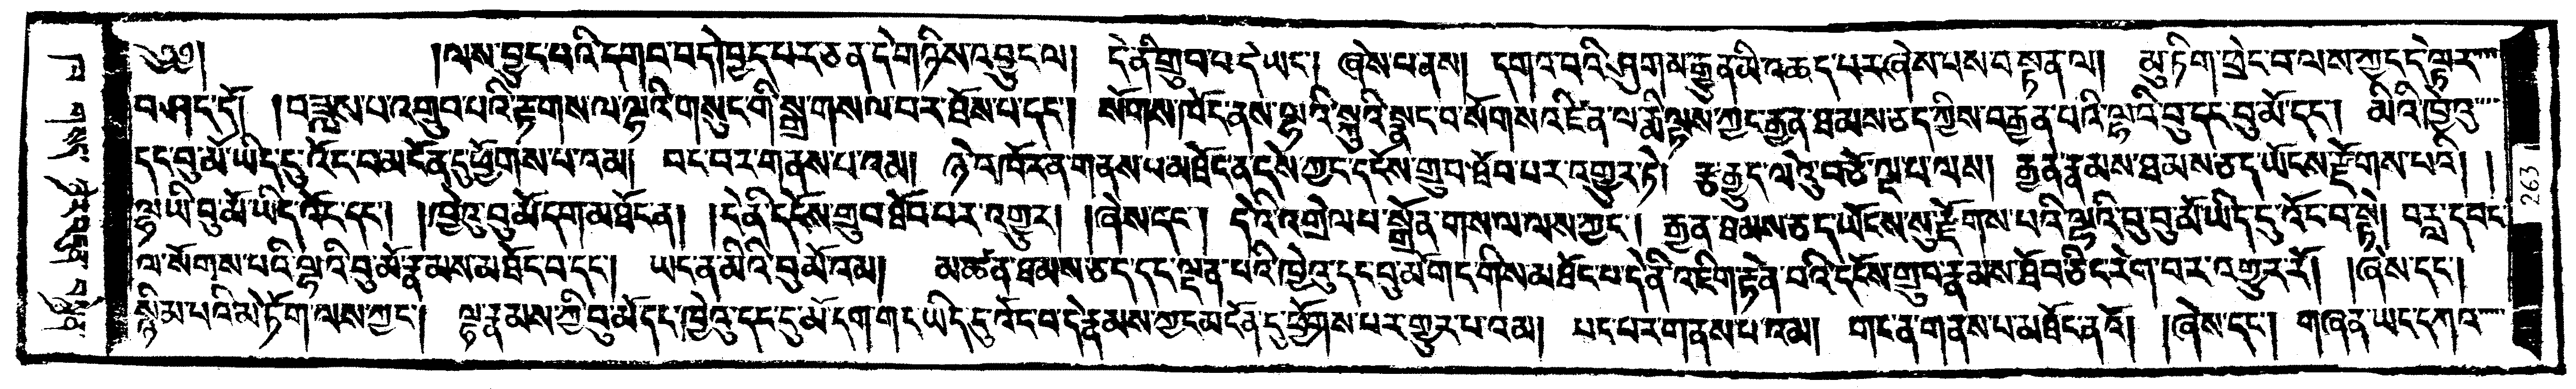༄༅། །ལས་བྱུང་པའི་དགའ་བདེ་ཁྱད་པར་ཅན་དེ་གཉིས་འབྱུང་ལ། དེ་ནི་གྲུབ་པ་དེ་ཡང་། ཞེས་པ་ནས། དགའ་བའི་ཤུག་མ་རྒྱུན་མི་འཆད་པར་ཞེས་པས་བསྟན་ལ། མུ་ཏིག་ཕྲེང་བ་ལས་ཀྱང་དེ་ལྟར་
བཤད་དོ། །བཟླས་པ་འགྲུབ་པའི་རྟགས་ལ་ལྷའི་གསུང་གི་སྒྲ་གསལ་བར་ཐོས་པ་དང་། སོགས་ཁོང་ནས་ལྷའི་སྐུའི་སྣང་བ་སོགས་འཛིན་ལ་རྨི་ལྟས་ཀྱང་རྒྱན་ཐམས་ཅད་ཀྱིས་བརྒྱན་པའི་ལྷའི་བུ་དང་བུ་མོ་དང་། མིའི་ཁྱེའུ་
དང་བུ་མོ་ཡིད་དུ་འོང་བ་མངོན་དུ་ཕྱོགས་པ་འམ། པང་བར་གནས་པ་འམ། ཉེ་འཁོར་ན་གནས་པ་མཐོང་ན་དེས་ཀྱང་དངོས་གྲུབ་ཐོབ་པར་འགྱུར་ཏེ། རྩ་རྒྱུད་ལེའུ་བཅོ་ལྔ་པ་ལས། རྒྱན་རྣམས་ཐམས་ཅད་ཡོངས་རྫོགས་པའི། །
ལྷ་ཡི་བུ་མོ་ཡིད་འོང་དང་། །ཁྱེའུ་བུ་མོ་དག་མཐོང་ན། །དེ་ནི་དངོས་གྲུབ་ཐོབ་པར་འགྱུར། །ཞེས་དང་། དེའི་འགྲེལ་པ་སྒྲོན་གསལ་ལས་ཀྱང་། རྒྱན་ཐམས་ཅད་ཡོངས་སུ་རྫོགས་པའི་ལྷའི་བུ་བུ་མོ་ཡིད་དུ་འོང་བ་སྟེ། བརླ་དབང་
ལ་སོགས་པའི་ལྷའི་བུ་མོ་རྣམས་མཐོང་བ་དང་། ཡང་ན་མིའི་བུ་མོ་འམ། མཚན་ཐམས་ཅད་དང་ལྡན་པའི་ཁྱེའུ་དང་བུ་མོ་གང་གིས་མཐོང་བ་དེ་ནི་འཇིག་རྟེན་པའི་དངོས་གྲུབ་རྣམས་ཐོབ་ཅིང་རེག་པར་འགྱུར་རོ། །ཞེས་དང་།
སྙིམ་པའི་མེ་ཏོག་ལས་ཀྱང་། ལྷ་རྣམས་ཀྱི་བུ་མོ་དང་ཁྱེའུ་དང་དུ་མོ་དག་གང་ཡིད་དུ་འོང་བ་དེ་རྣམས་ཀྱང་མངོན་དུ་ཕྱོགས་པར་གྱུར་པ་འམ། པང་པར་གནས་པ་འམ། གང་ན་གནས་པ་མཐོང་ནའོ། །ཞེས་དང་། གཞན་ཡང་དཀའ་